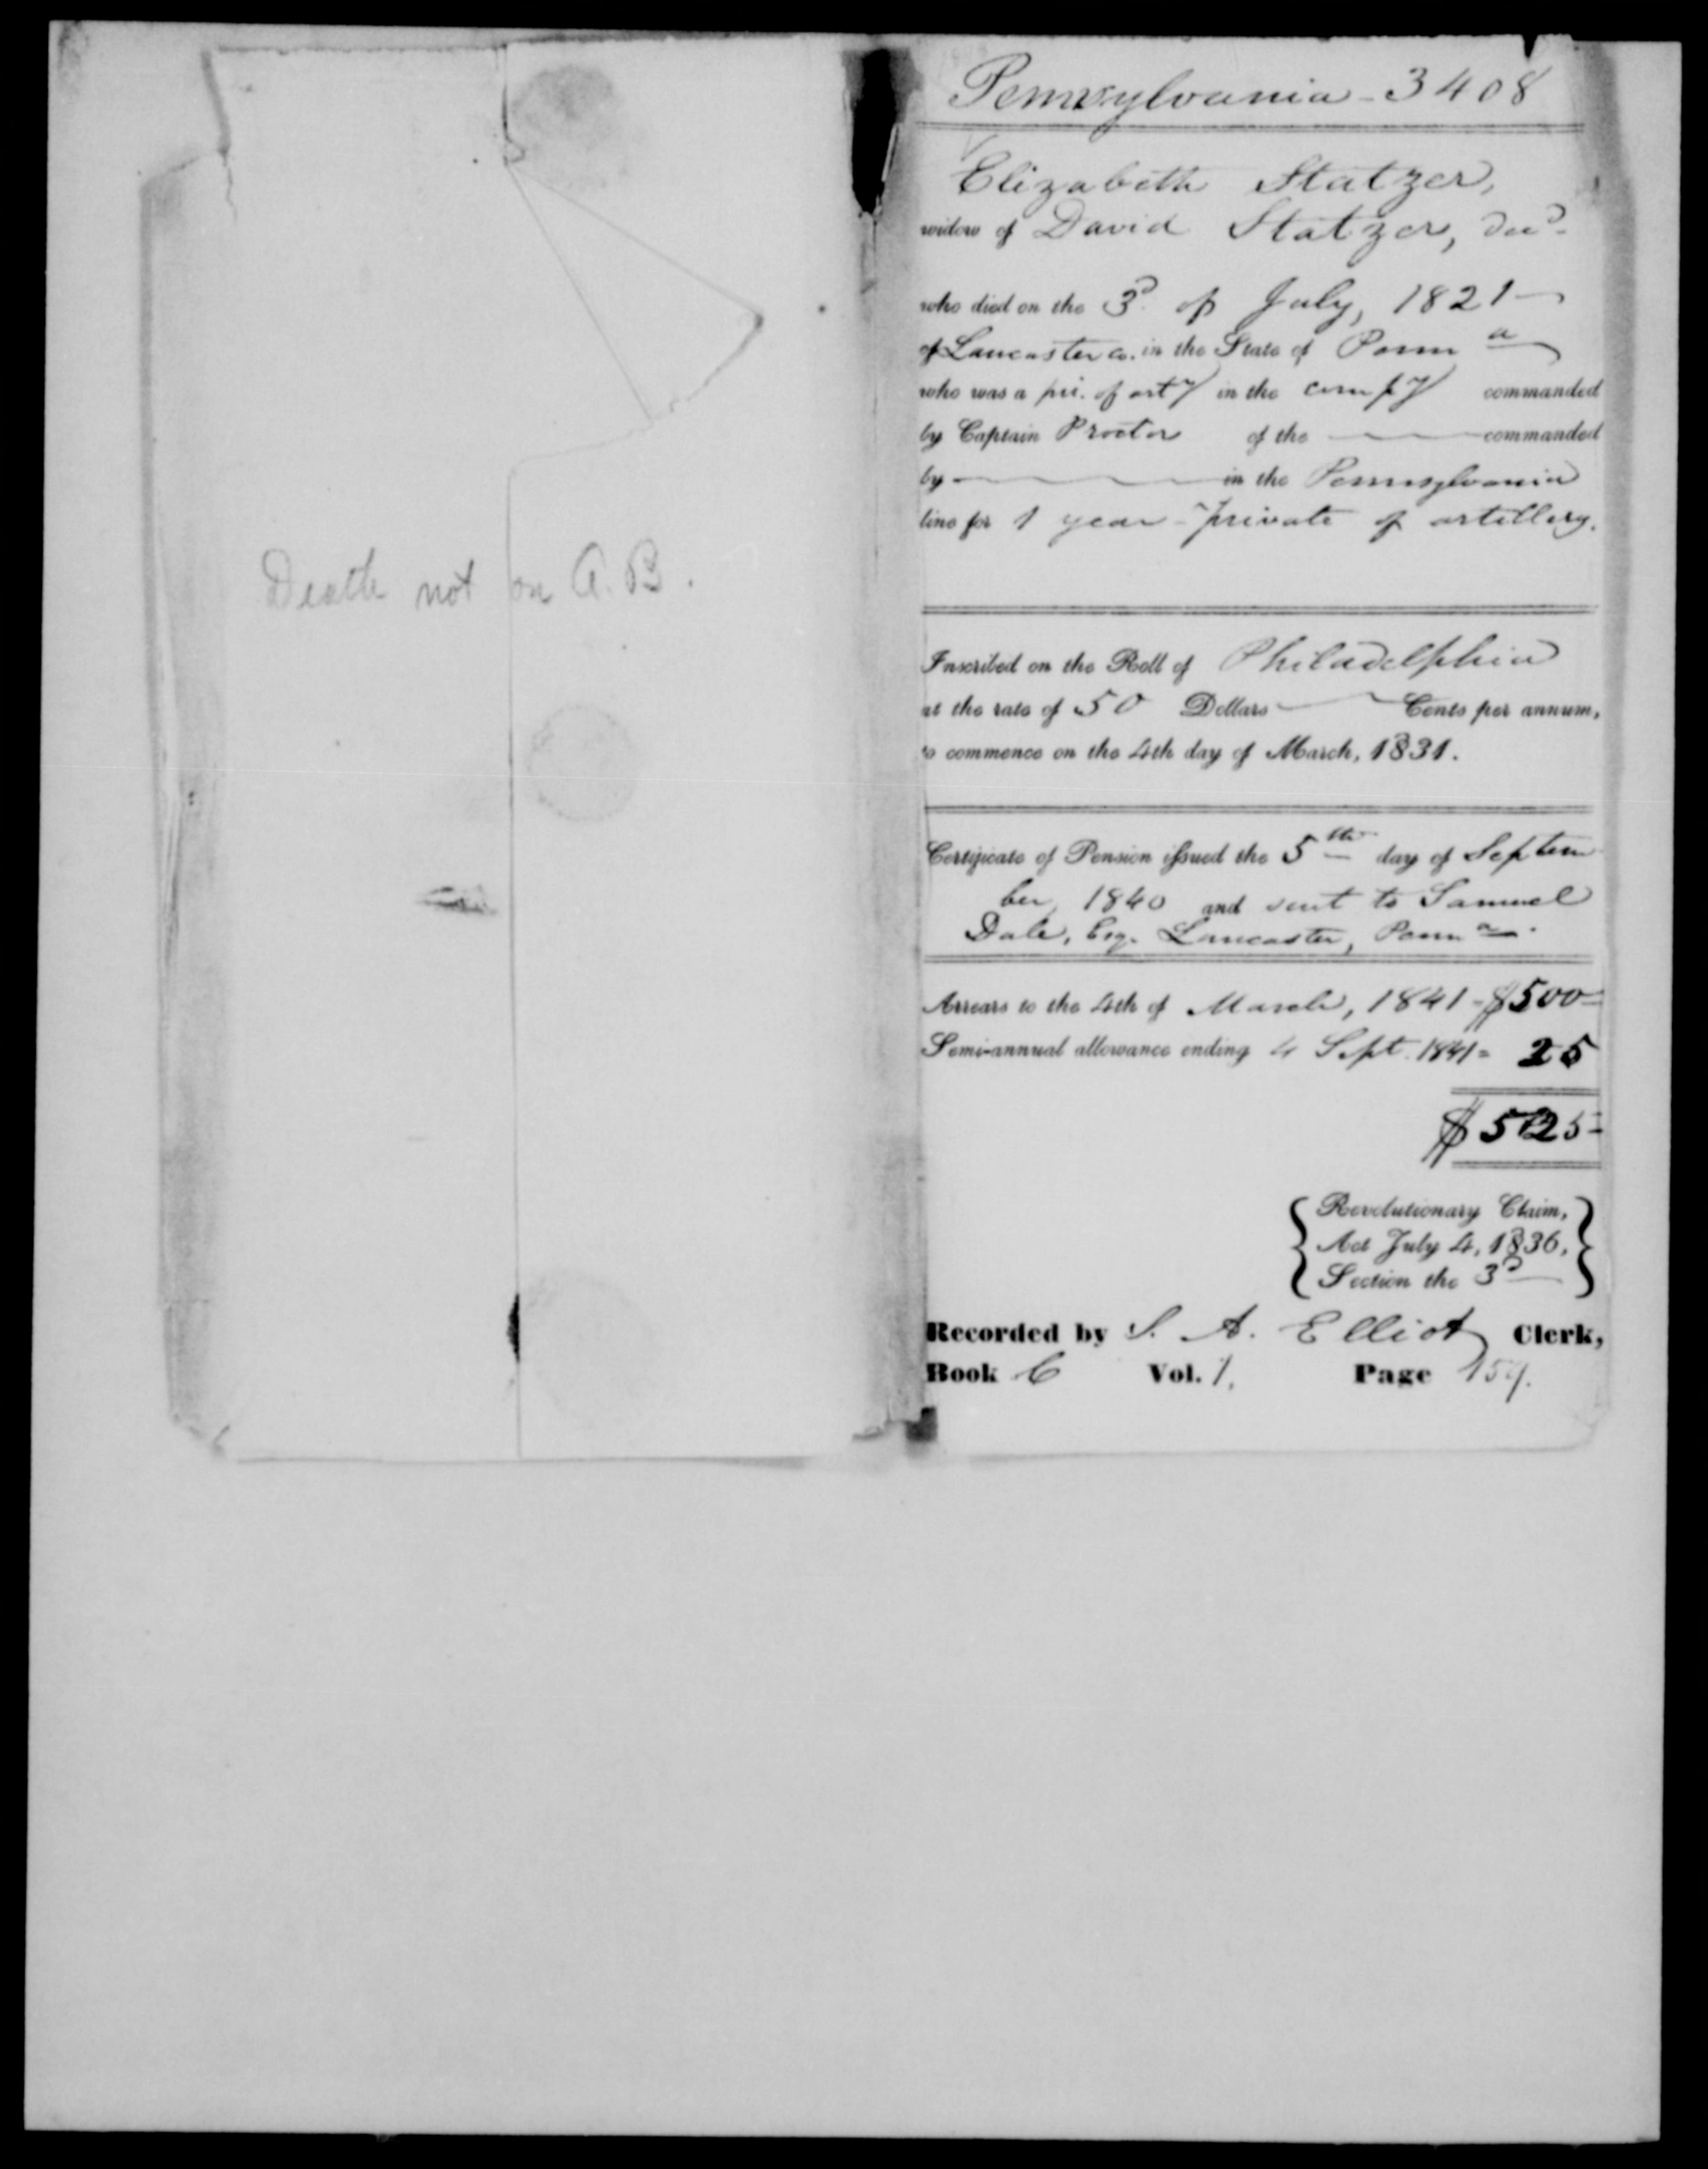Death not on A.B.
Pennsylvania 3408
Elizabeth Statzer, widow of David Statzer, deceased, who died on the 3rd of July 1821, of Lancaster County in the State of Pennsylvania, who was a private of artillery in the company commanded by Captain Proctor of the [blank] commanded by [blank] in the Pennsylvania line for 1 year -private of artillery.
Inscribed on the Roll of Philadelphia at the rate of 50 Dollars [blank] Cents per annum, to commence on the 4th day of March 1831.
Certificate of Pension issued the 5th day of September 1840 and sent to Samuel Dale, Esq. Lancaster, Penna.
Arrears to the 4th of March 1841 $500
Semi-annual allowance ending 4 Sept 1841 $25
$525
{Revolutionary Claim, Act July 4, 1836, Section the 3d}
Recorded by S.A. Elliot, Clerk, Book C, Vol. 7 Page 159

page: 4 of 28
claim: widow's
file: W. 3163, for David Statser, Pennsylvania